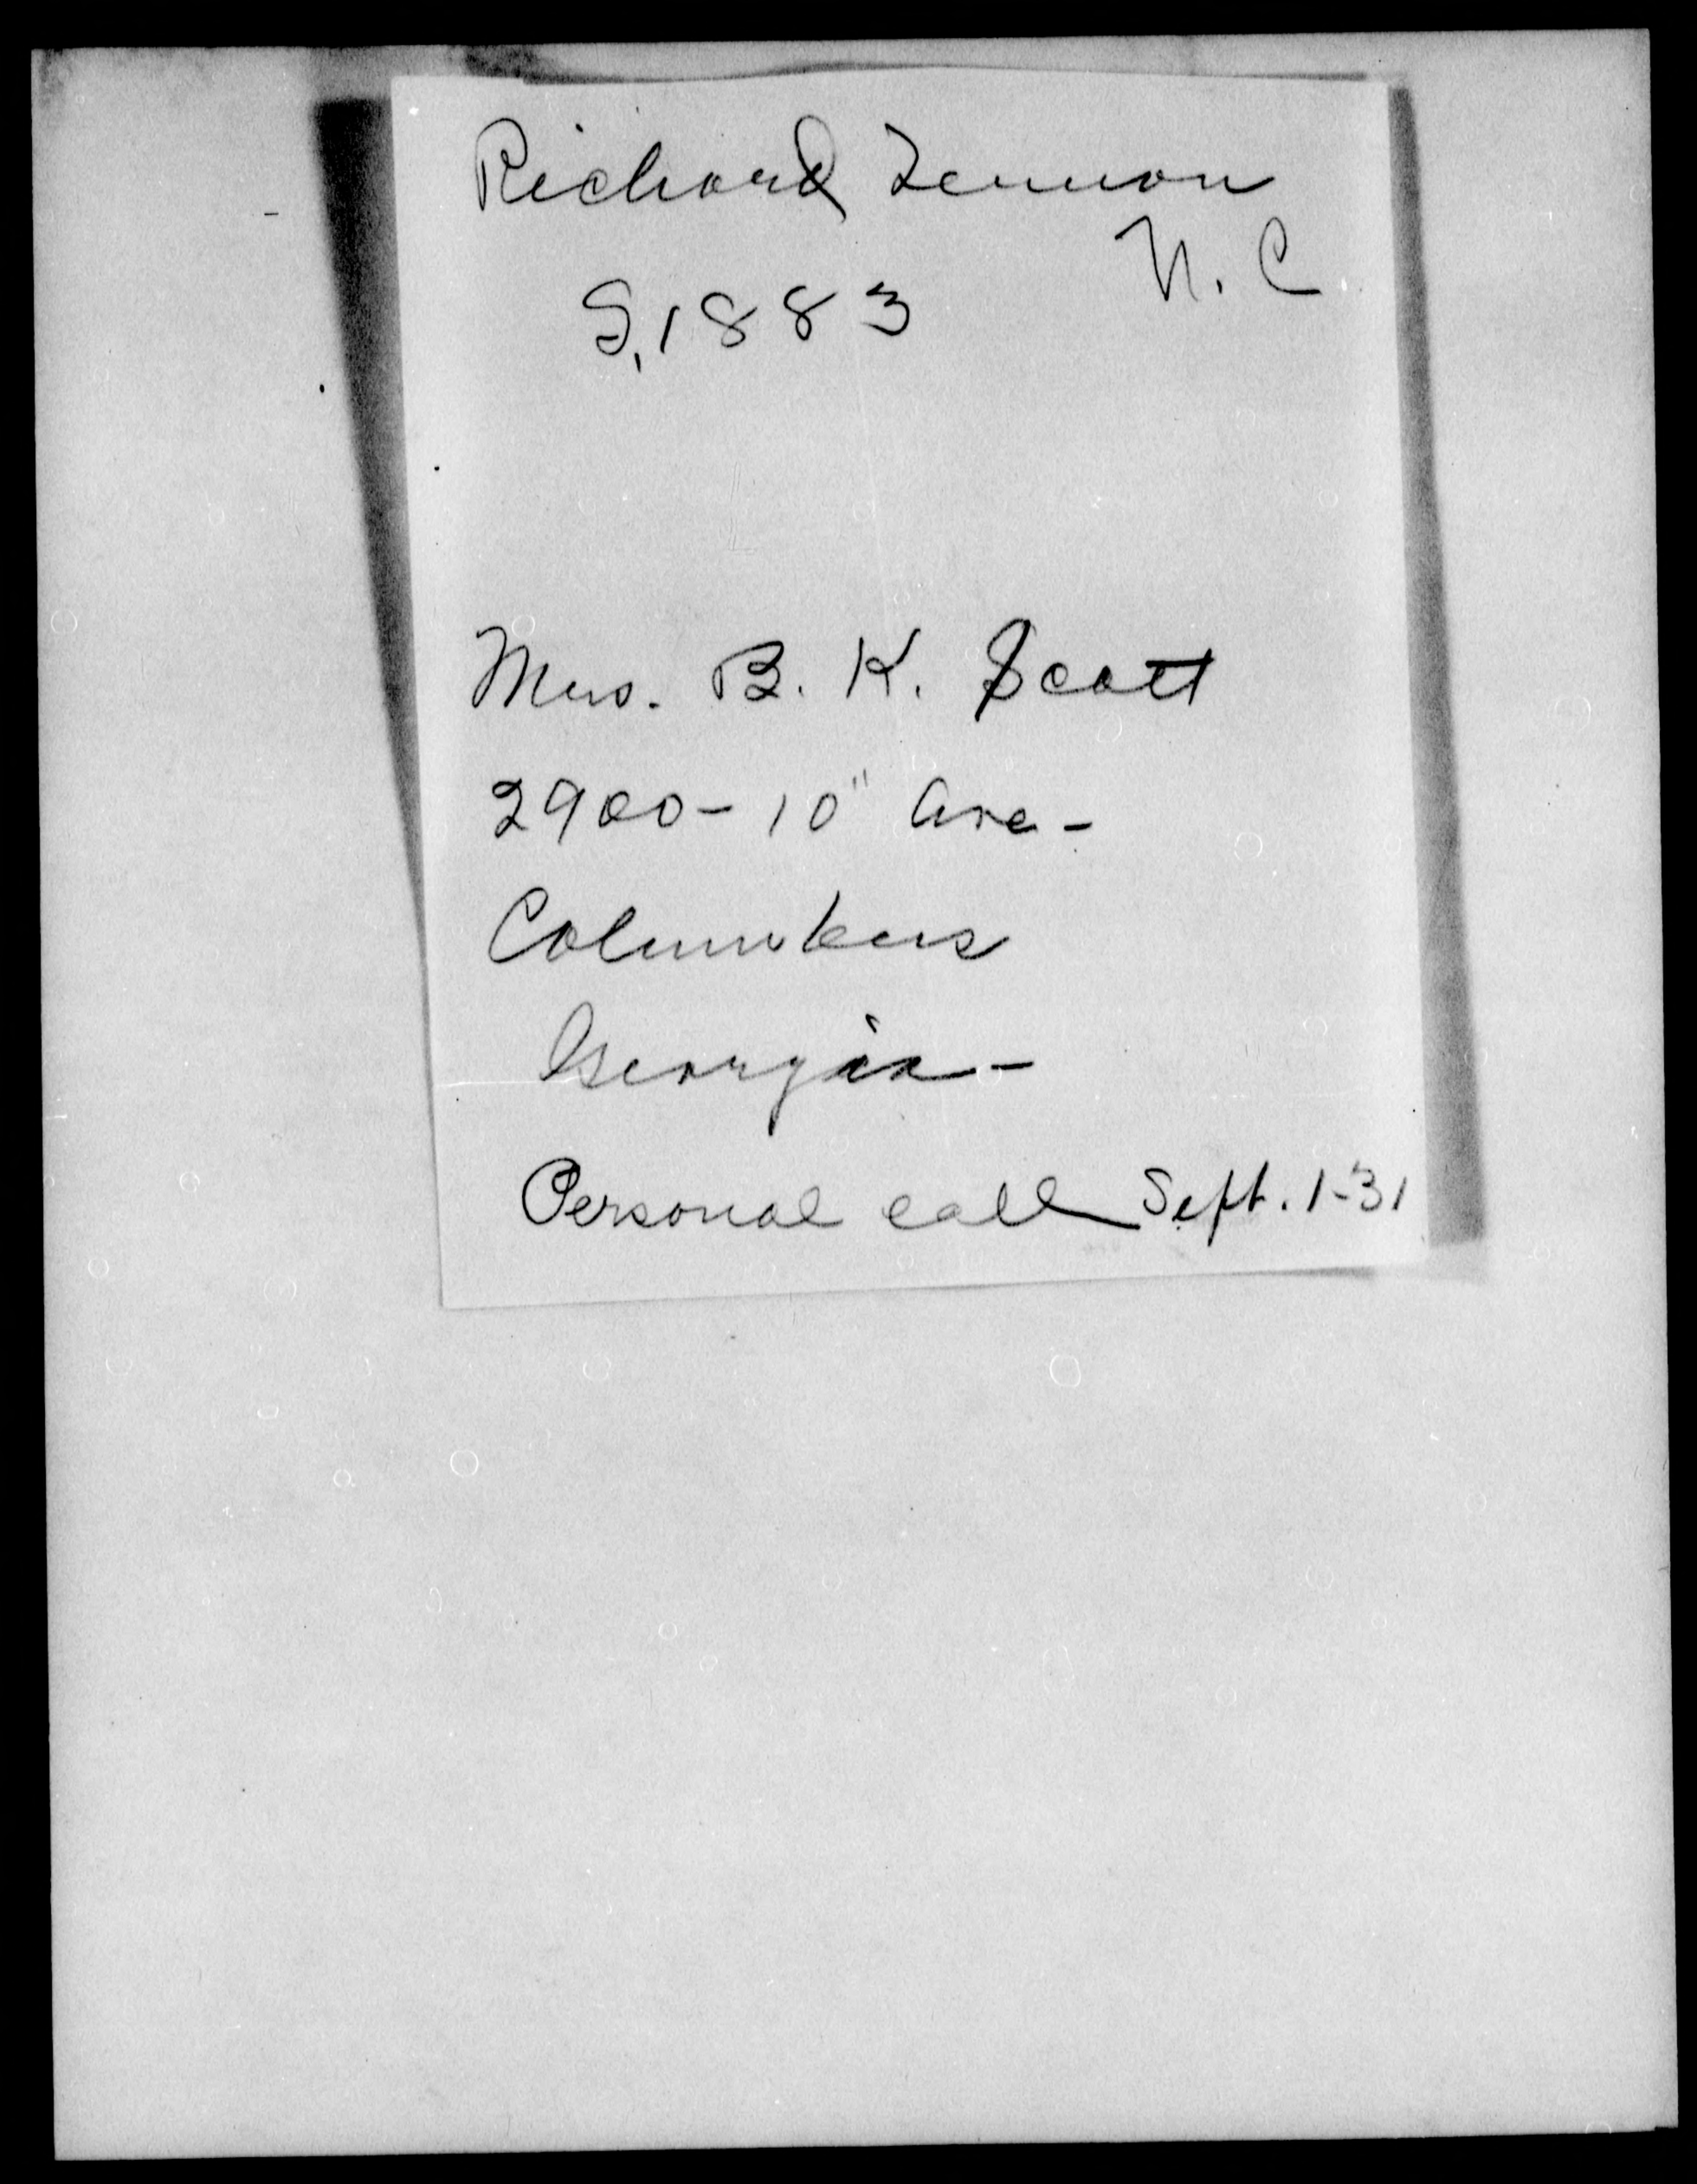Richard Vernon
N.C.
S.1883
Mrs. B. K. Scott
2900 - 10th Ave -
Columbus
Georgia -
Personal call Sept. 1- 31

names: Richard Vernon, B K Scott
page: 33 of 105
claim: survivor's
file: S. 1883, Richard Vernon, N.C.